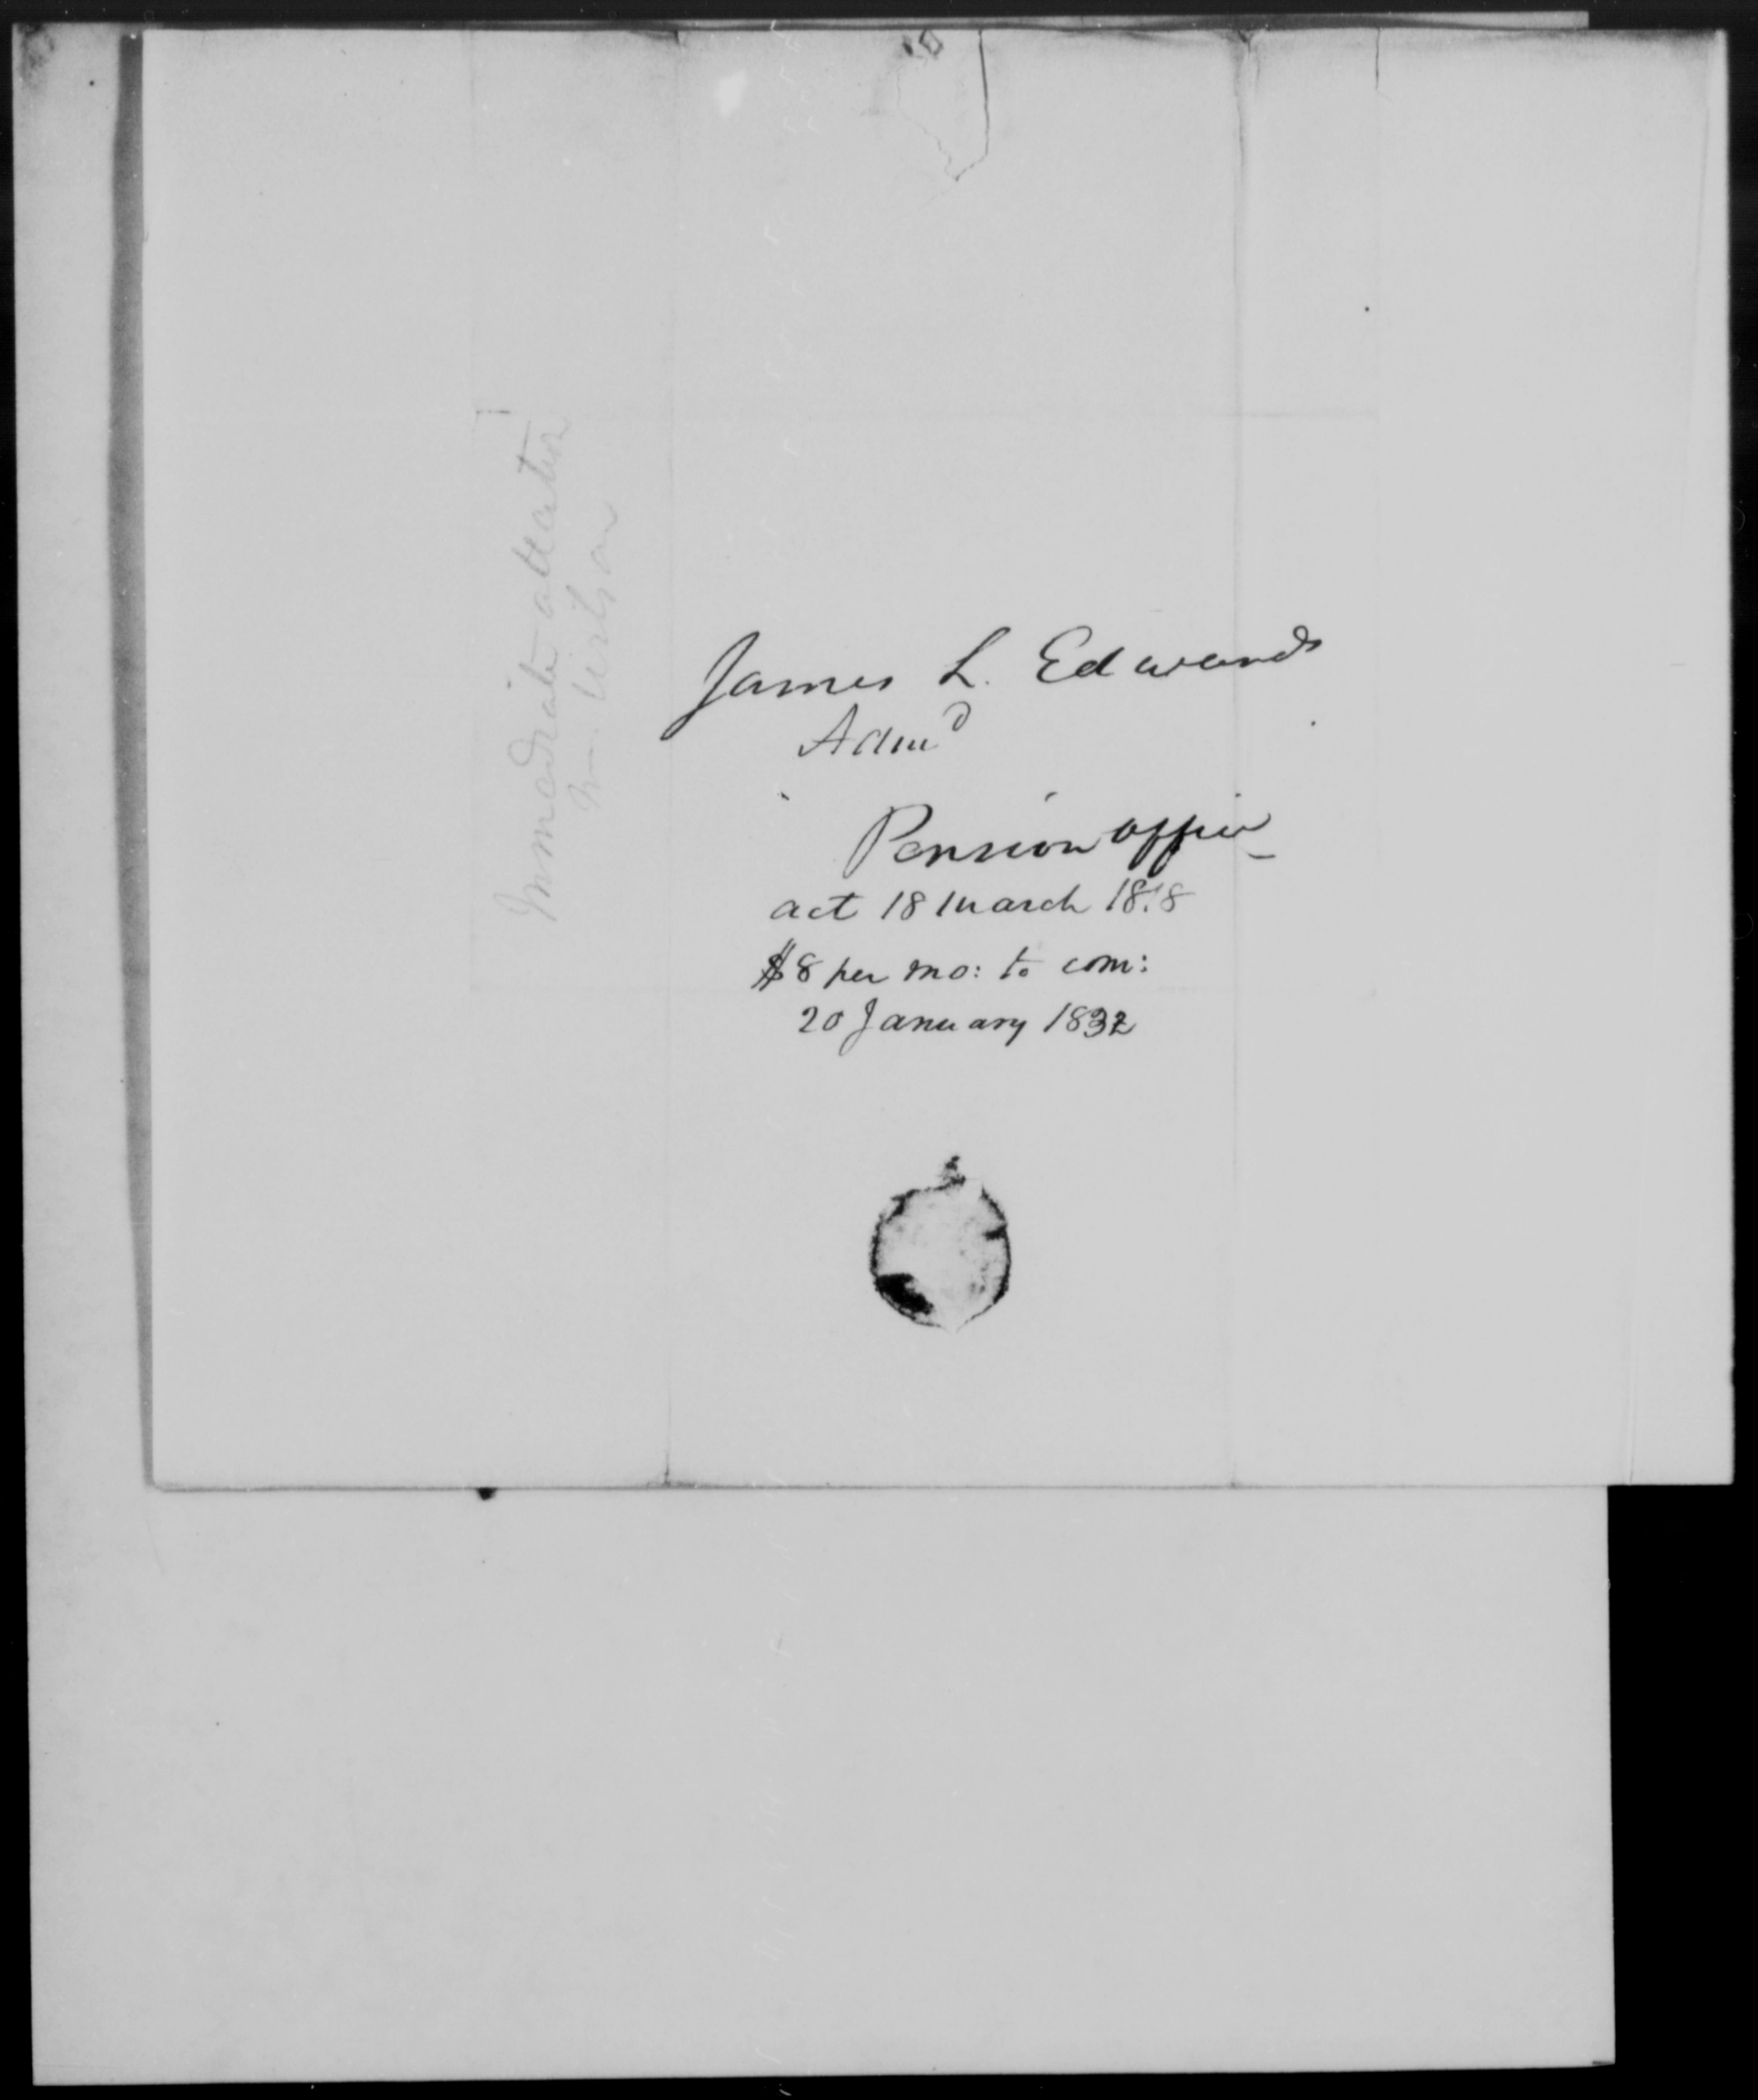James L. Edwards
Admd
Pension Office
Act 18 March 1818
$8 per mo: to com:
20 January 1832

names: James L Edwards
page: 76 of 77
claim: widow's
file: W. 19658, John Woodin, New York